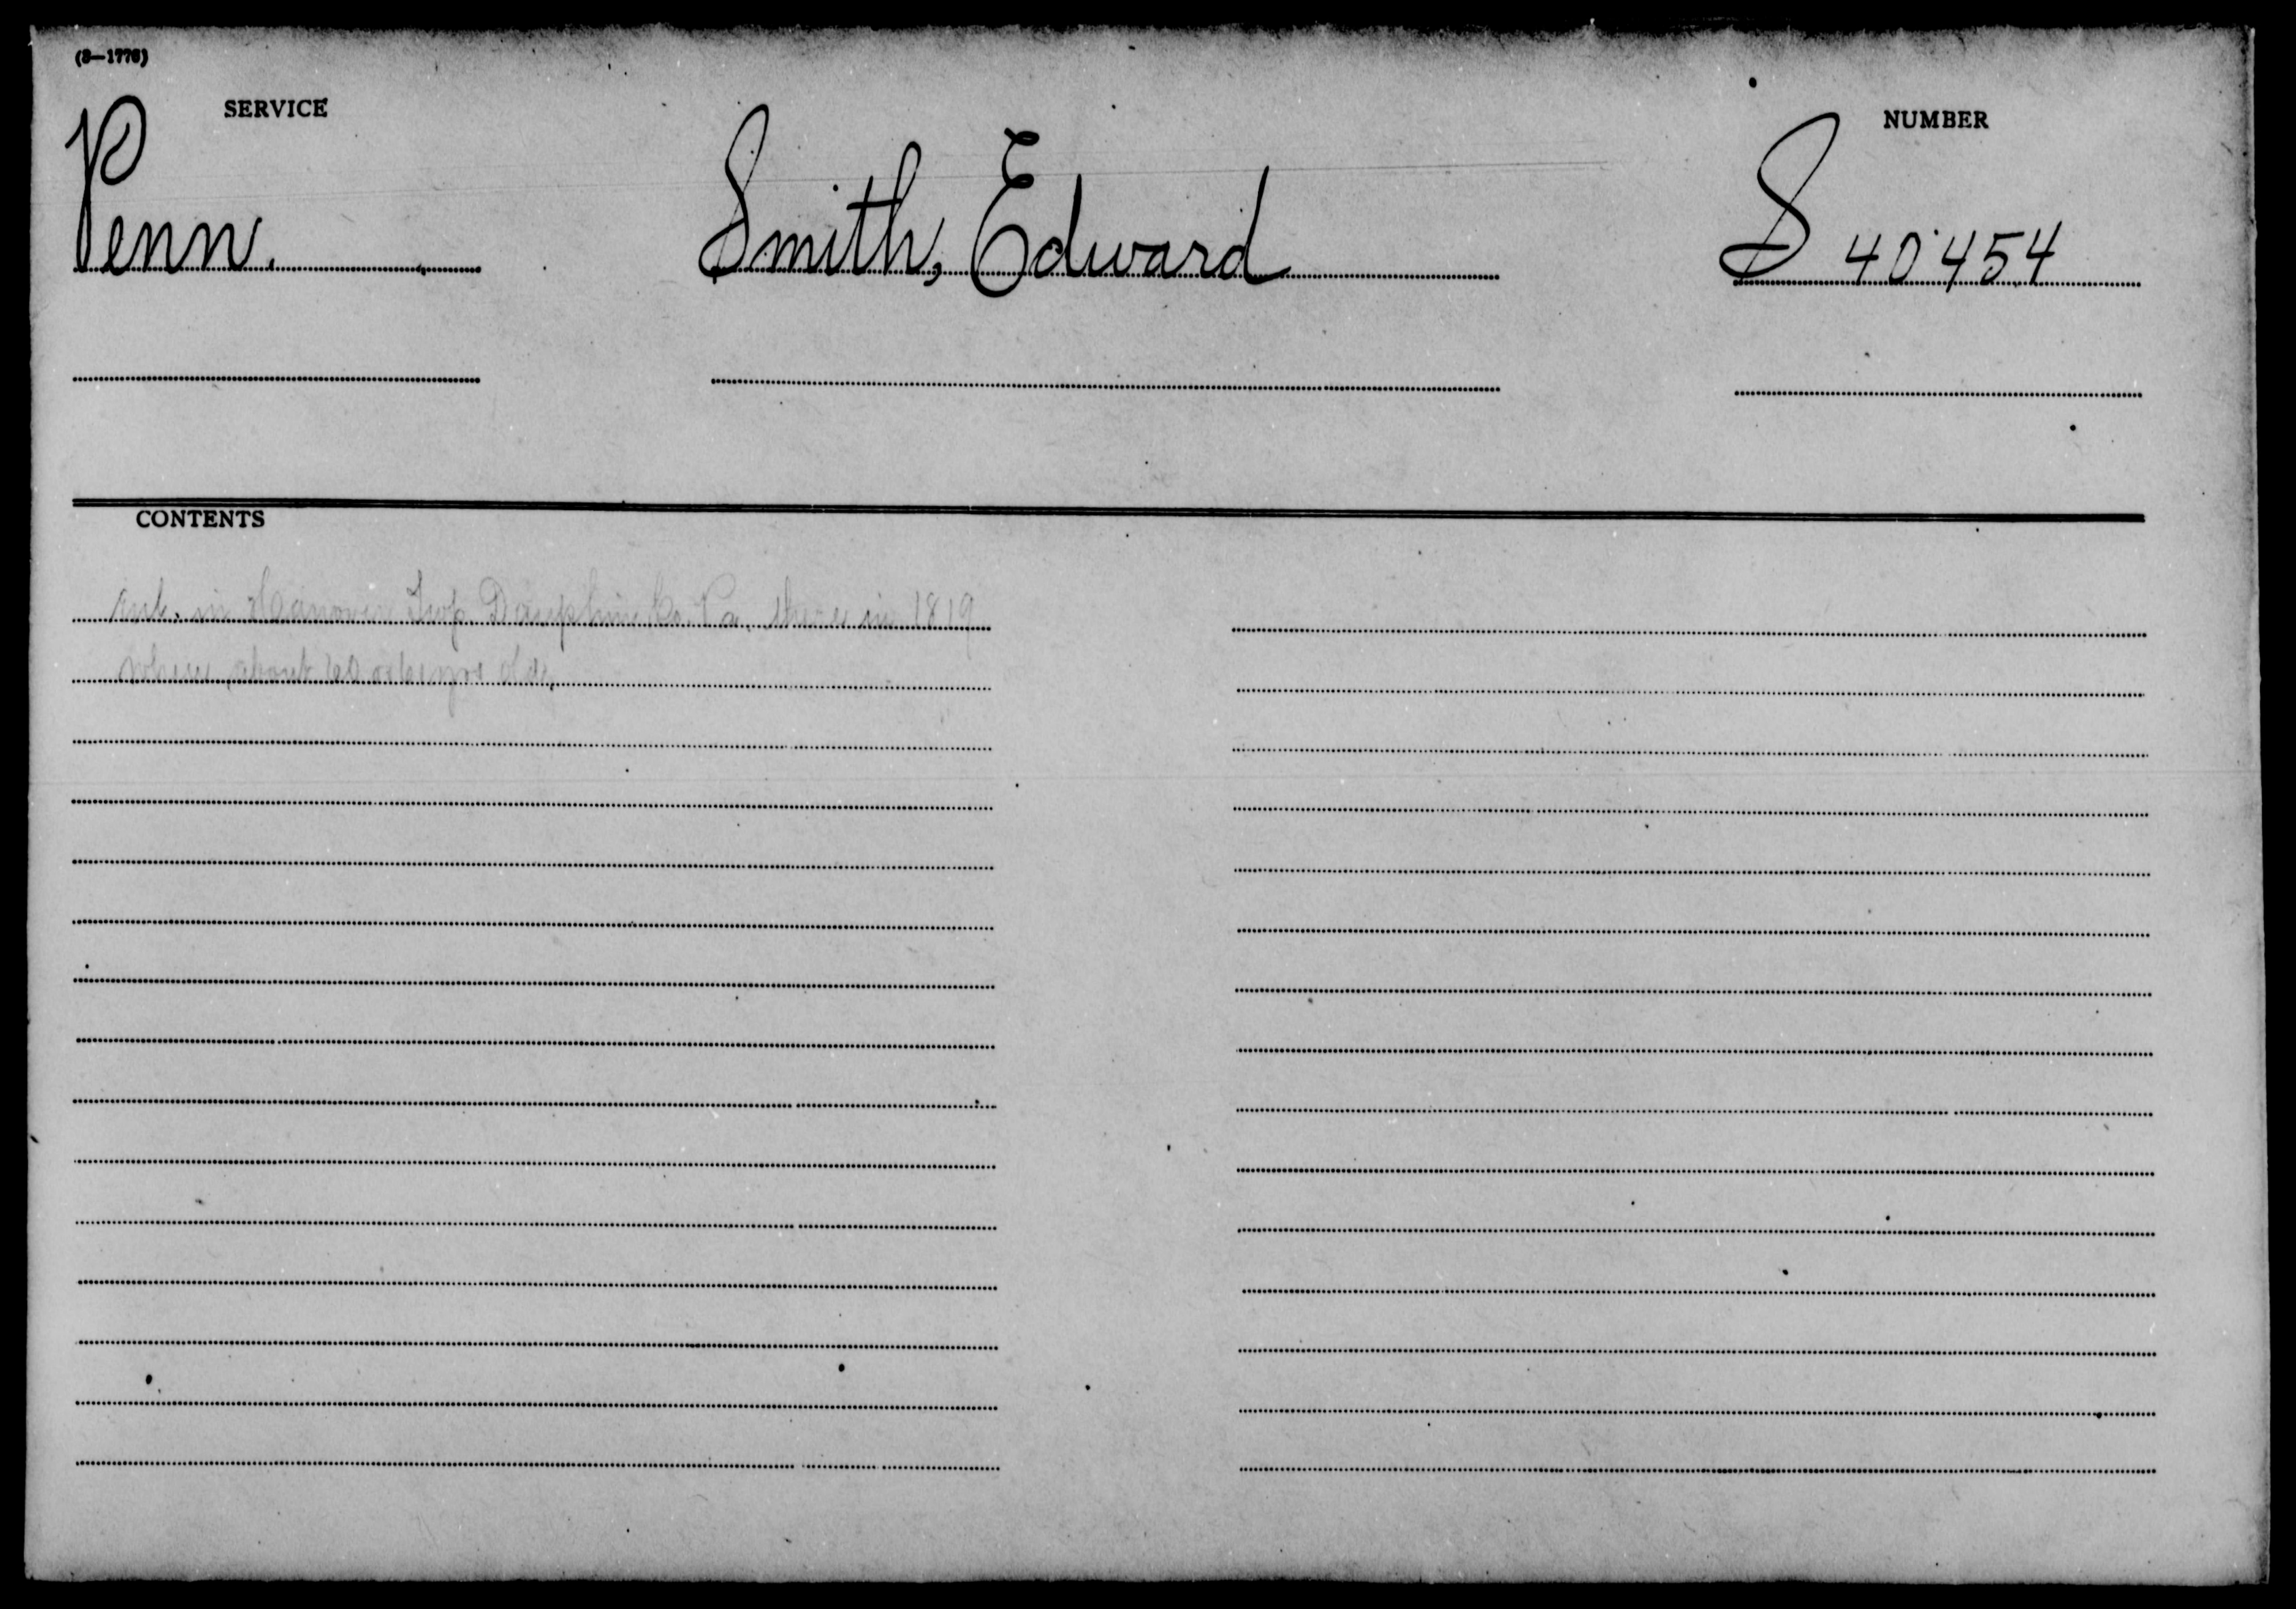SERVICE
Penn.

Smith, Edward

NUMBER
S40454

CONTENTS

Enl. in S. Hanover Twp. Dauphin Co. Pa.
there in 1819 when about 60 or 61 yrs. old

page: 1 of 20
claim: survivor's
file: S 40454, for Edward Smith, Pennsylvania